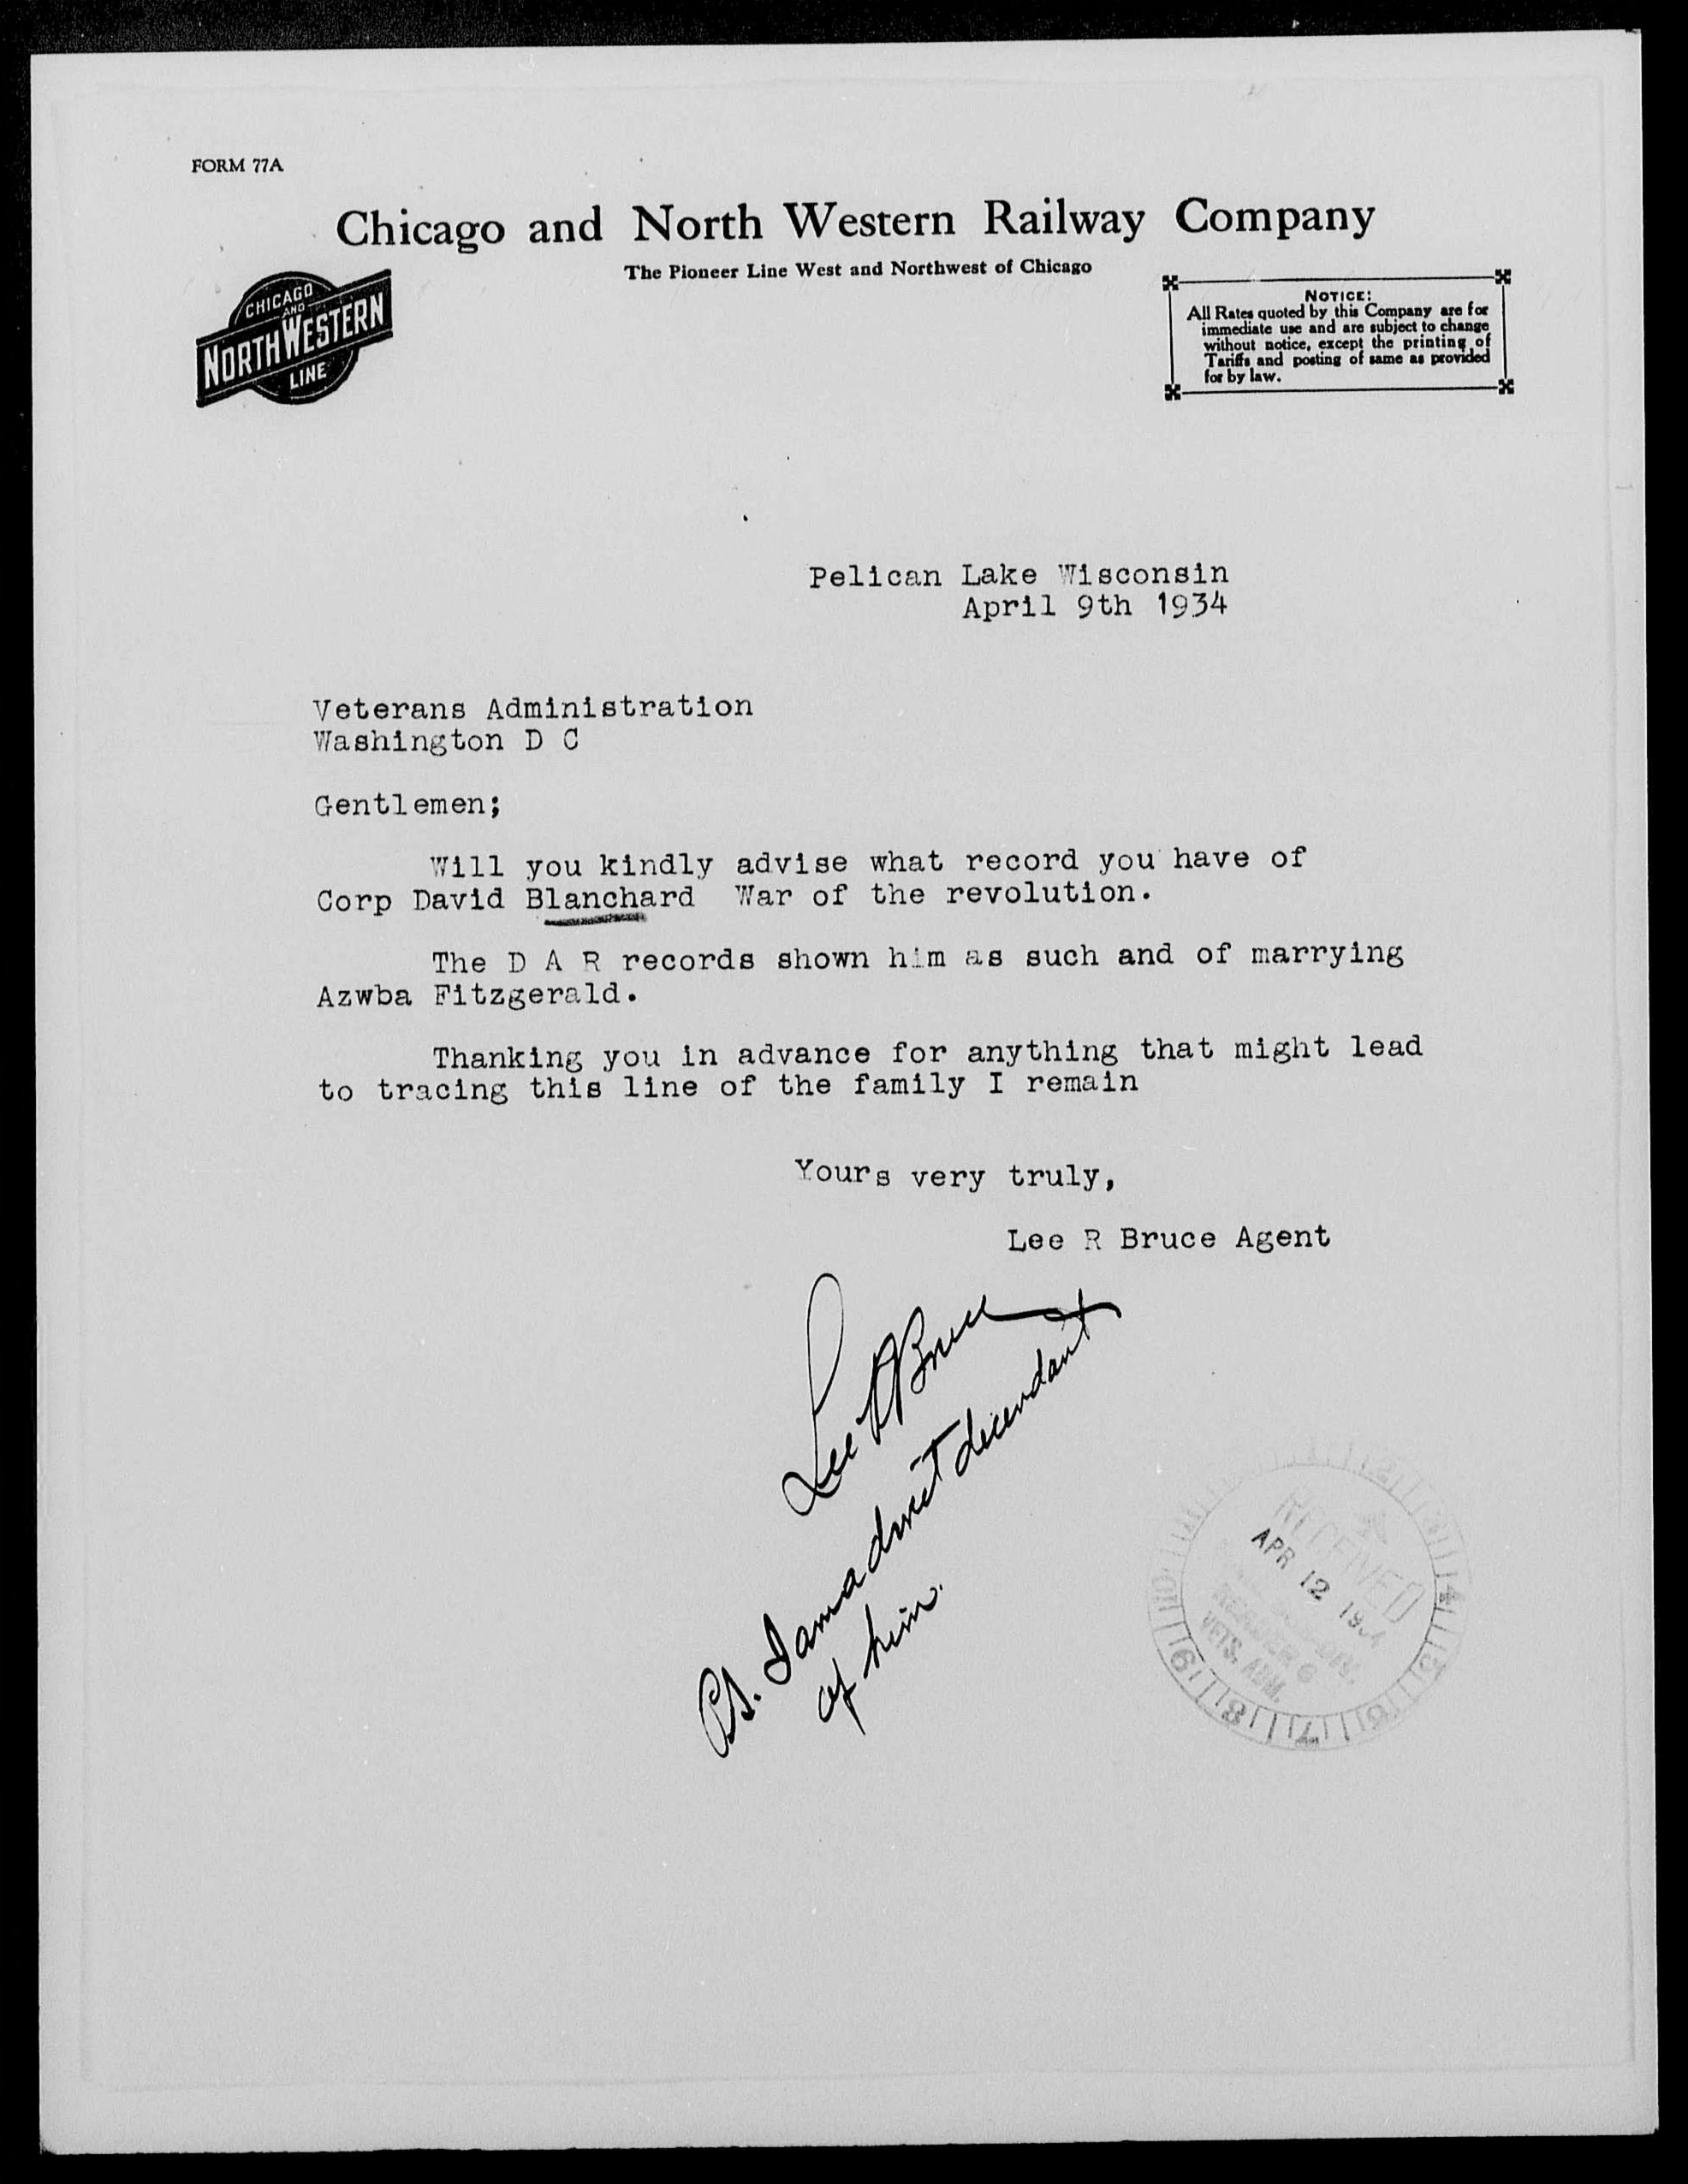FORM 77
W
Chicago and North Western Railway Company
The Pioneer Line West and Northwest of Chicago
Chicago and Northwestern Line
Notice:
All Rates quoted by this Company are for
immediate use and are subject to change without notice, except the printing of Tariffs and posting of same as provided for by law.

Pelican Lake Wisconsin
April 9th 1934

Veterans Administration
Washington D C
Gentlemen;
Will you kindly advise what record you have of Corp David Blanchard War of the revolution.
The DAR records shown him as such and of marrying Azwba Fitzgerald.
Thanking you in advance for anything that might lead to tracing this line of the family I remain

Yours very truly,
Lee R Bruce Agent

[signed] Lee R Bruce
P.S. I am a direct decendant of him

[stamp] Received Apr 12 1934
[illegible] Reader G Vets. Adm.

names: Lee R Bruce, Lee R Bruce, David Blanchard, Azwba Fitzgerald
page: 13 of 23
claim: survivor's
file: S. 12237, David Blanchard, N. H.